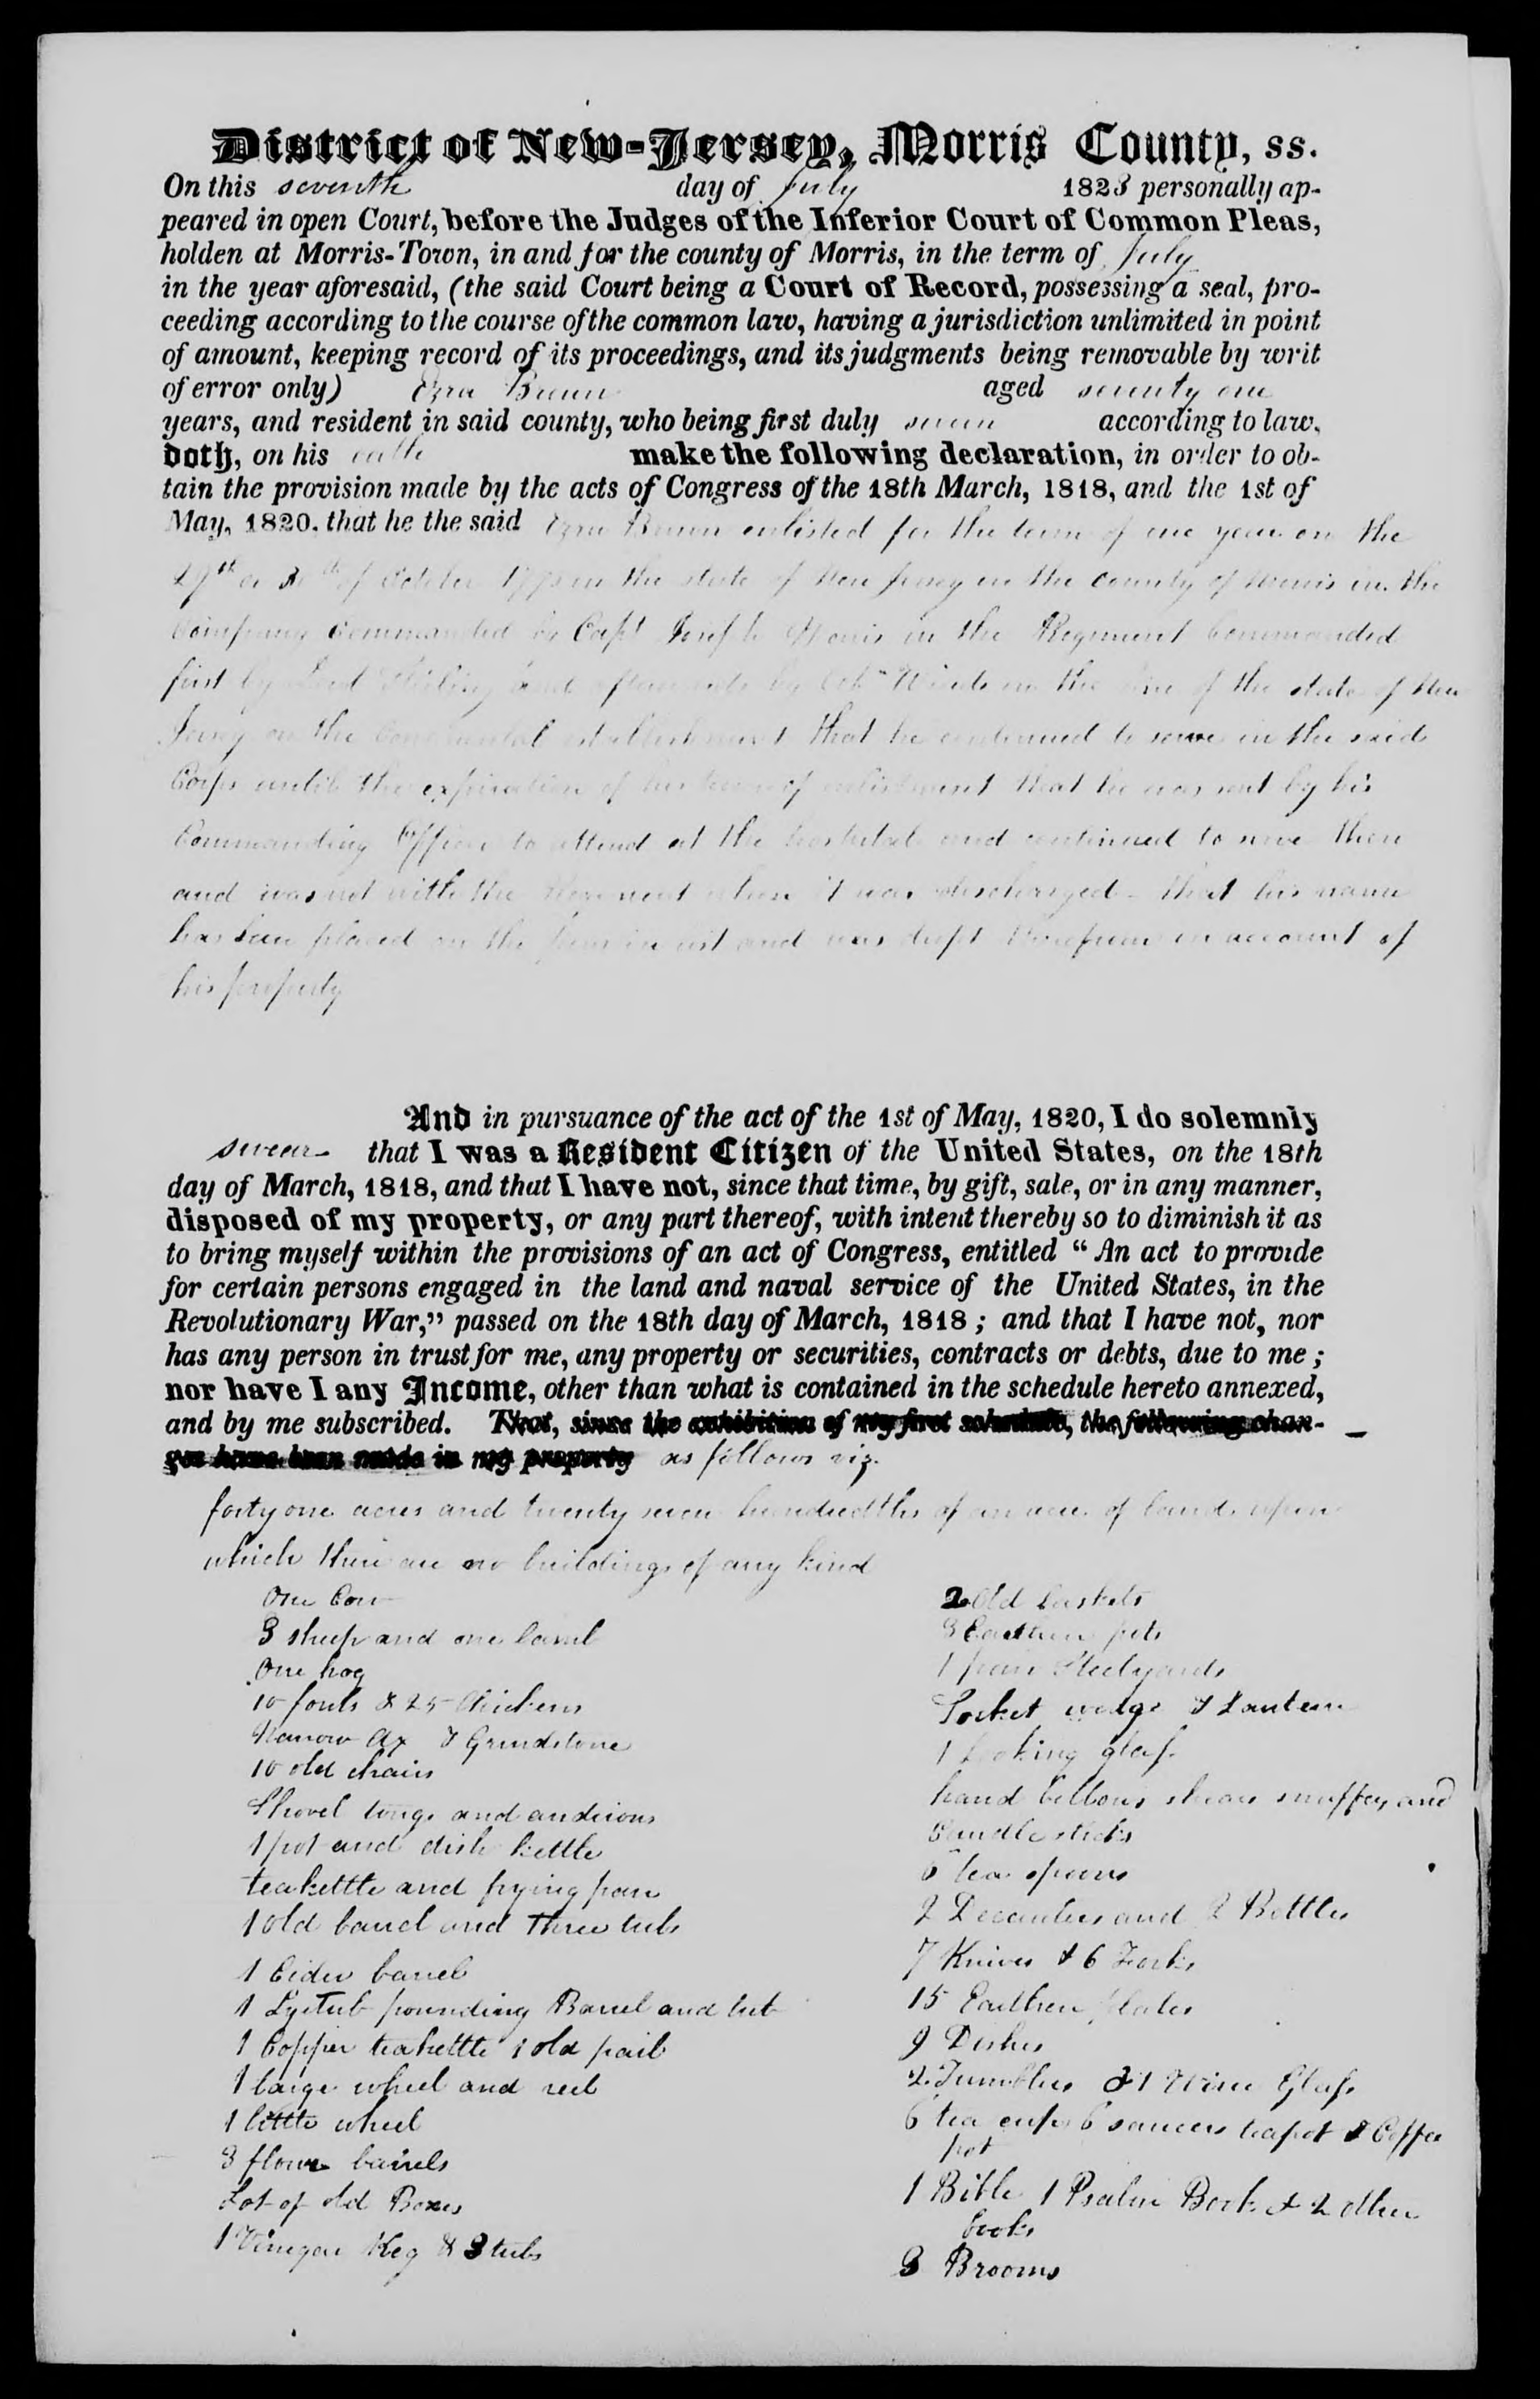District of New-Jersey, Morris County, ss.
On this seventh day of July 1823 personally appeared in open Court, before the Judges of the Inferior Court of Common Pleas, holden at Morris-Town, in and for the county of Morris, in the term of July in the year aforesaid, (the said Court being a Court of Record, possessing a seal, proceeding according to the course of the common law, having a jurisdiction unlimited in point of amount, keeping record of its proceedings, and its judgments being removable by writ of error only) Ezra Brown aged seventy one years, and resident in said county, who being first duly sworn according to law, doth, on his oath make the following declaration, in order to obtain the provision made by the acts of Congress of the 18th March, 1818 and the 1st of May 1820 that he the said Ezra Brown enlisted for the term of one year on the 29th or 30th of October 1775 in the State of New Jersey in the County of Morris in the Company commanded by Capt Joseph Norris in the Regiment Commanded first by Lord Stirling and afterwards by Col. Winds in the line of the State of New Jersey on the Continental establishment that he continued to serve in the said Corps until the expiration of his term of enlistment that he was sent by his Commanding Officer to attend at the hospital and continued to serve there and was not with the regiment when it was discharged.-  that his name has been placed on the pension list and was dropt therefrom on account of his property

And in pursuance of the act of the 1st of May, 1820, I do solemnly swear that I was a Resident Citizen of the United States, on the 18th day of March, 1818, and that I have not, since that time, by gift, sale, or in any manner, disposed of my property, or any part thereof, with intent thereby so to diminish it as to bring myself within the provisions of an act of Congress, entiled "An act to provide for certain persons engaged in the land and naval service of the United States, in the
Revolutionary War," passed on the 18th day of March, 1818; and that I have not, nor has any person in trust for me, any property or securities, contracts or debts, due to me; nor have I any Income, other than what is contained in the schedule hereto annexed, and by me subscribed. Note, since the exhibition of my first schedule, the following changes have ben made in my property as follows viz:
forty one acres and twenty seven hundredths of an acre of land, upon which there are no building of any kind
One Cow
3 Sheep and one lamb
One hog
10 fowls & 25 Chickens
Narrow Ax & Grindstone
Pocket wedge I Santer
10 old chairs
Shovel tongs and andirons
1 pot and dish Kettle
teakettle and frying pan
1 old barrel and three tubs
1 Cider Barrel
1 Lyetub pounding Barrel and tub
1 Copper tea kettle 1 old pail
1 large wheel and reel
1 little wheel
3 flour barrels
Lot of old Boxes
Vinegar Keg & 8 tubs

2 old Buckets
3 Earthen pots
1 pair Steelyards
Socket wedge & 1 lantern
1 Looking glass
hand bellows shears snuffers and
3 Candlesticks
6 tea spoons
2 Decanters and 2 Bottles
7 Knives & 6 forks
15 Earthen plates
9 Dishes
2 Tumblers & 1 wine Glass
6 tea cups & saucers teapot & Coffee pot
1 Bible 1 Psalm Book & 2 other books
8 Brooms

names: Joseph Norris, Ezra Brown, Ezra Brown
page: 20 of 27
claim: survivor's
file: S. 34,094, Ezra Brown, New Jersey